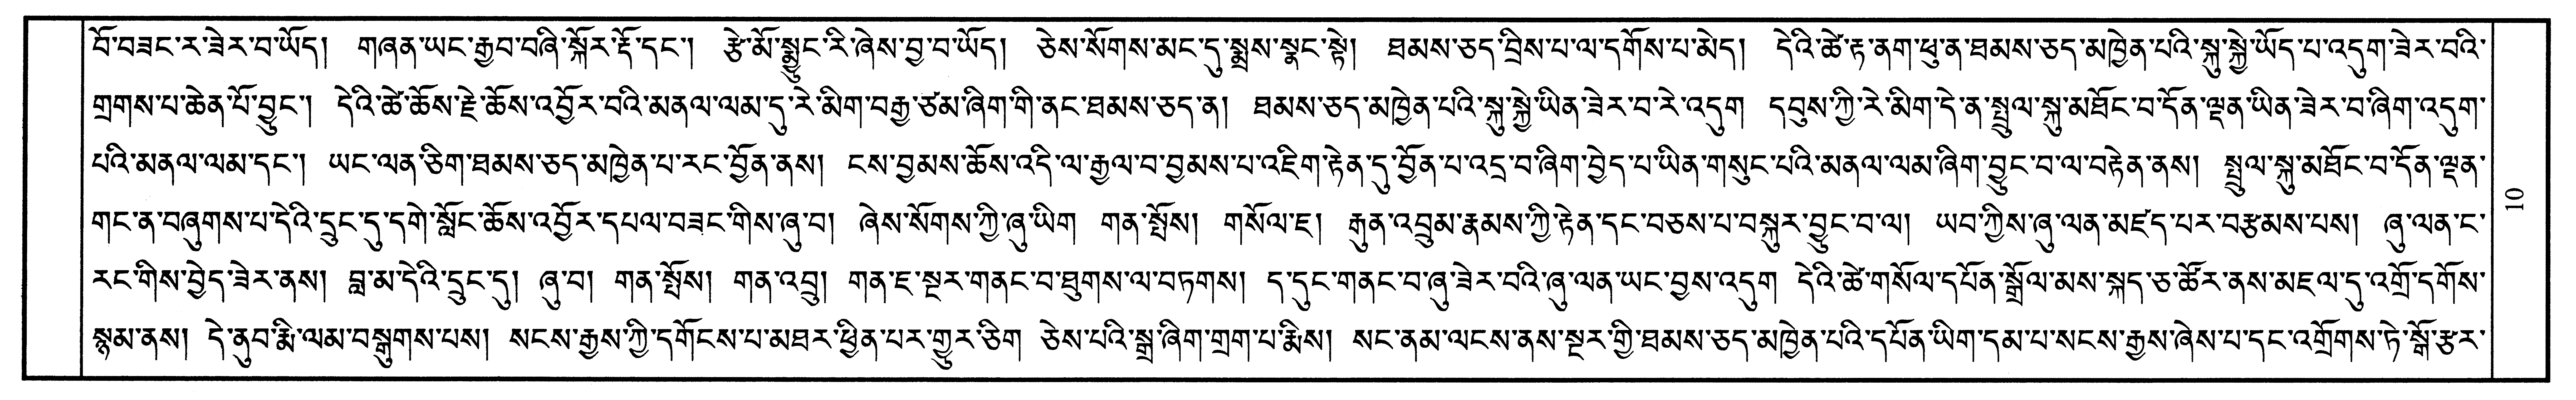བོ་བཟང་ར་ཟེར་བ་ཡོད། གཞན་ཡང་རྒྱབ་བཞི་སྐོར་རྡོ་དང་། རྩེ་མོ་སྨྱུང་རི་ཞེས་བྱ་བ་ཡོད། ཅེས་སོགས་མང་དུ་སྨྲས་སྣང་སྟེ། ཐམས་ཅད་བྲིས་པ་ལ་དགོས་པ་མེད། དེའི་ཚེ་རྟ་ནག་ཕུ་ན་ཐམས་ཅད་མཁྱེན་པའི་སྐུ་སྐྱེ་ཡོད་པ་འདུག་ཟེར་བའི་
གྲགས་པ་ཆེན་པོ་བྱུང་། དེའི་ཚེ་ཆོས་རྗེ་ཆོས་འབྱོར་བའི་མནལ་ལམ་དུ་རེ་མིག་བརྒྱ་ཙམ་ཞིག་གི་ནང་ཐམས་ཅད་ན། ཐམས་ཅད་མཁྱེན་པའི་སྐུ་སྐྱེ་ཡིན་ཟེར་བ་རེ་འདུག །དབུས་ཀྱི་རེ་མིག་དེ་ན་སྤྲུལ་སྐུ་མཐོང་བ་དོན་ལྡན་ཡིན་ཟེར་བ་ཞིག་འདུག་
པའི་མནལ་ལམ་དང་། ཡང་ལན་ཅིག་ཐམས་ཅད་མཁྱེན་པ་རང་བྱོན་ནས། ངས་བྱམས་ཆོས་འདི་ལ་རྒྱལ་བ་བྱམས་པ་འཇིག་རྟེན་དུ་བྱོན་པ་འདྲ་བ་ཞིག་བྱེད་པ་ཡིན་གསུང་པའི་མནལ་ལམ་ཞིག་བྱུང་བ་ལ་བརྟེན་ནས། སྤྲུལ་སྐུ་མཐོང་བ་དོན་ལྡན་
གང་ན་བཞུགས་པ་དེའི་དྲུང་དུ་དགེ་སློང་ཆོས་འབྱོར་དཔལ་བཟང་གིས་ཞུ་བ། ཞེས་སོགས་ཀྱི་ཞུ་ཡིག་གན་སྤོས། གསོལ་ཇ། རྒུན་འབྲུམ་རྣམས་ཀྱི་རྟེན་དང་བཅས་པ་བསྐུར་བྱུང་བ་ལ། ཡབ་ཀྱིས་ཞུ་ལན་མཛད་པར་བརྩམས་པས། ཞུ་ལན་ང་
རང་གིས་བྱེད་ཟེར་ནས། བླ་མ་དེའི་དྲུང་དུ། ཞུ་བ། གན་སྤོས། གན་འབྲུ། གན་ཇ་སྔར་གནང་བ་ཐུགས་ལ་བཏགས། ད་དུང་གནང་བ་ཞུ་ཟེར་བའི་ཞུ་ལན་ཡང་བྱས་འདུག་དེའི་ཚེ་གསོལ་དཔོན་སྒྲོལ་མས་སྐད་ཅ་ཚོར་ནས་མཇལ་དུ་འགྲོ་དགོས་
སྙམ་ནས། དེ་ནུབ་རྨི་ལམ་བསྒུགས་པས། སངས་རྒྱས་ཀྱི་དགོངས་པ་མཐར་ཕྱིན་པར་གྱུར་ཅིག །ཅེས་པའི་སྒྲ་ཞིག་གྲག་པ་རྨིས། སང་ནམ་ལངས་ནས་སྔར་གྱི་ཐམས་ཅད་མཁྱེན་པའི་དཔོན་ཡིག་དམ་པ་སངས་རྒྱས་ཞེས་པ་དང་འགྲོགས་ཏེ་སྒོ་རྩར་